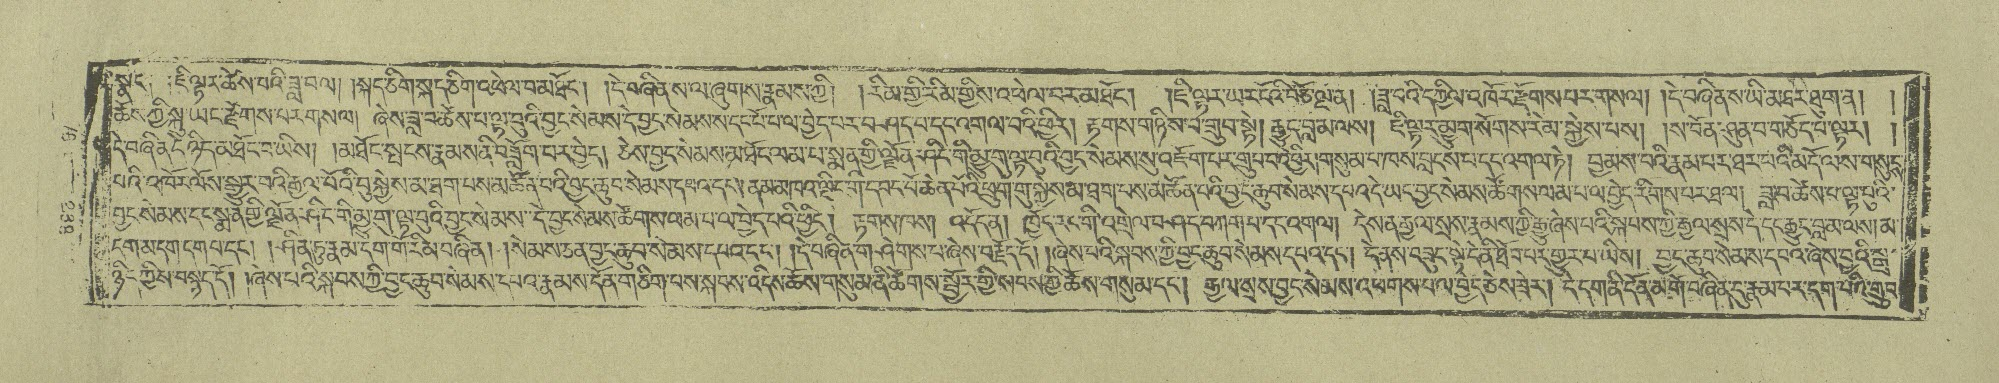སྣང་། །ཇི་ལྟར་ཚེས་པའི་ཟླ་བ་ལ། །སྐད་ཅིག་སྐད་ཅིག་འཕེལ་བ་མཐོང་། །དེ་བཞིན་ས་ལ་ཞུགས་རྣམས་ཀྱི། །རིམ་གྱི་རིམ་གྱིས་འཕེལ་བར་མཐོང་། །ཇི་ལྟར་ཡར་ངོའི་བཅོ་ལྡན། །ཟླ་བའི་དཀྱིལ་འཁོར་རྫོགས་པར་གསལ། །དེ་བཞིན་ས་ཡི་མཐར་ཐུག་ནི། །
ཆོས་ཀྱི་སྐུ་ཡང་རྫོགས་པར་གསལ། ཞེས་ཟླ་བ་ཚེས་པ་ལྟ་བུའི་བྱང་སེམས་དེ་བྱང་སེམས་དང་པོ་བ་ལ་བྱེད་པར་བཤད་པ་དང་འགལ་བའི་ཕྱིར། རྟགས་གཉིས་པ་གྲུབ་སྟེ། རྒྱུད་བླ་མ་ལས། ཇི་ལྟར་མྱུག་སོགས་རིམ་སྐྱེས་པས། །ས་བོན་ཤུན་པ་གཅོད་པ་ལྟར། །
དེ་བཞིན་དེ་ཉིད་མཐོང་བ་ཡིས། །མཐོང་སྤངས་རྣམས་ནི་བཟློག་པར་བྱེད། ཅེས་བྱང་སེམས་མཐོང་ལམ་པ་སྨན་གྱི་ལྗོན་ཤིང་གི་མྱུ་གུ་ལྟ་བུའི་བྱང་སེམས་སུ་འཇོག་པར་གྲུབ་པའི་ཕྱིར། གསུམ་པ་ཁས་བླངས་པ་དང་འགལ་ཏེ། བྱམས་པའི་རྣམ་པར་ཐར་བའི་མདོ་ལས་གསུངས་
པའི་འཁོར་ལོས་སྒྱུར་བའི་རྒྱལ་པོའི་བུ་སྐྱེས་མ་ཐག་པས་མཚོན་པའི་བྱང་ཆུབ་སེམས་དཔའ་དང་། ནམ་མཁའ་ལྡིང་གི་དབང་པོ་ཆེན་པོའི་ཕྲུག་གུ་སྐྱེས་མ་ཐག་པས་མཚོན་པའི་བྱང་ཆུབ་སེམས་དཔའ་དེ་ཡང་བྱང་སེམས་ཚོགས་ལམ་པ་ལ་བྱེད་རིགས་པར་ཐལ། ཟླ་བ་ཚེས་པ་ལྟ་བུའི་
བྱང་སེམས་དང་སྨན་གྱི་ལྗོན་ཤིང་གི་མྱུ་གུ་ལྟ་བུའི་བྱང་སེམས་དེ་བྱང་སེམས་ཚོགས་ལམ་པ་ལ་བྱེད་པའི་ཕྱིར། རྟགས་ཁས། འདོད་ན། ཁྱོད་རང་གི་འགྲེལ་བཤད་བཀག་པ་དང་འགལ། དེས་ན་རྒྱལ་སྲས་རྣམས་ཀྱི་རྒྱུ་ཞེས་པའི་སྐབས་ཀྱི་རྒྱལ་སྲས་དེ་དང་རྒྱུད་བླ་མ་ལས། མ་
དག་མ་ཀ་དག་པ་དང་། །ཤིན་ཏུ་རྣམ་དག་གོ་རིམ་བཞིན། །སེམས་ཅན་བྱང་ཆུབ་སེམས་དཔའ་དང་། །དེ་བཞིན་གཤེགས་པ་ཞེས་བརྗོད་དོ། །ཞེས་པའི་སྐབས་ཀྱི་བྱང་ཆུབ་སེམས་དཔའ་དང་། དེ་ནས་བཟུང་སྟེ་དེ་ནི་ཐོབ་པར་གྱུར་བ་ཡིས། བྱང་ཆུབ་སེམས་དཔའ་ཞེས་བྱའི་སྒྲ་
ཉིད་གྱིས་བསྙད་དོ། །ཞེས་པའི་སྐབས་ཀྱི་བྱང་ཆུབ་སེམས་དཔའ་རྣམས་དོན་གཅིག་པས་སྐབས་འདིས་ཆོས་གསུམ་ནི་ཚོགས་སྦྱོར་གྱི་སྐབས་ཀྱི་ཆོས་གསུམ་དང་། རྒྱལ་སྲས་བྱང་སེམས་འཕགས་པ་ལ་བྱེད་ཅེས་ཟེར། དེ་དག་ནི་དོན་མ་གོ་བཞིན་དུ་རྣམ་པར་དག་པའི་གྲུབ་